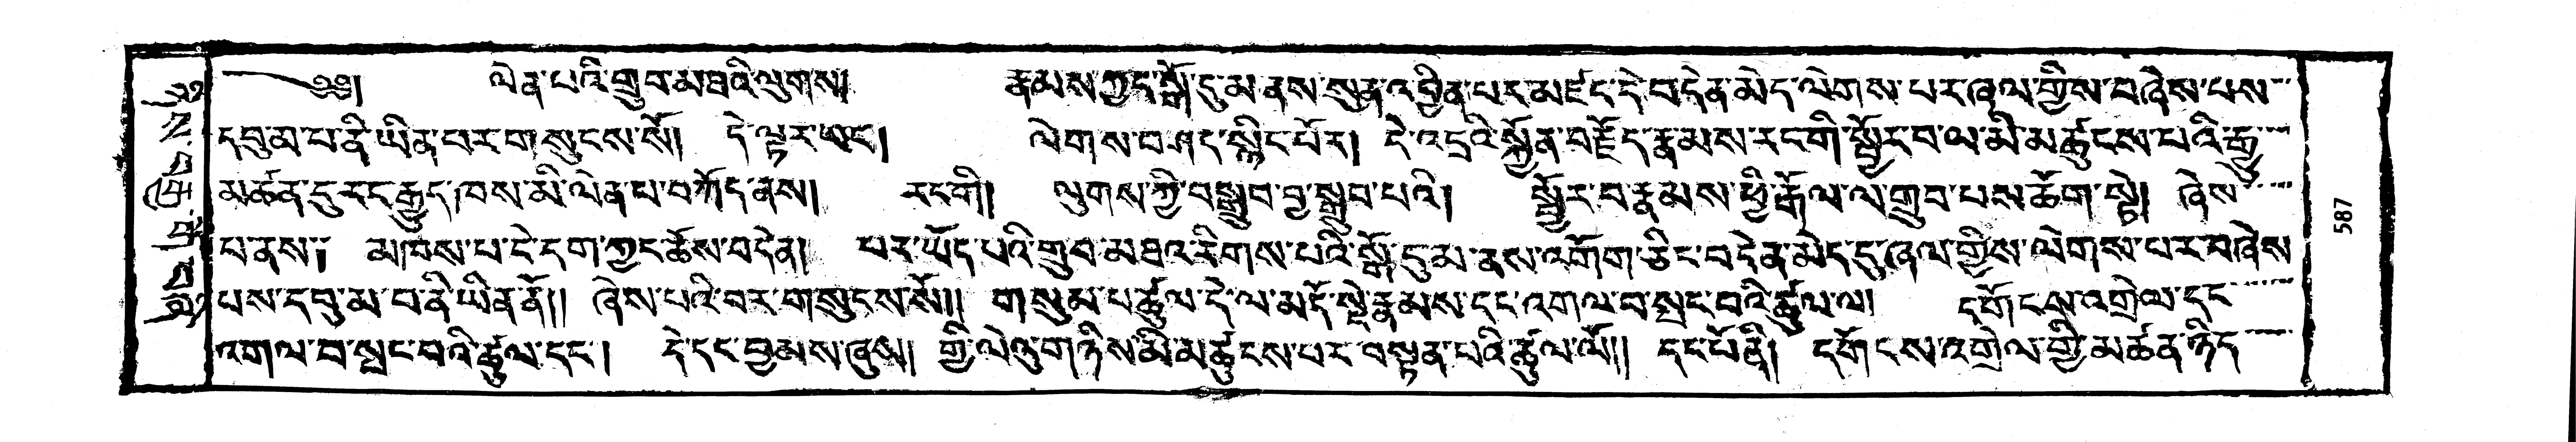༄༅། །ལེན་པའི་གྲུབ་མཐའི་ལུགས། རྣམས་ཀྱང་སྒོ་དུ་མ་ནས་སུན་འབྱིན་པར་མཛད་དེ་བདེན་མེད་ལེགས་པར་ཞལ་གྱིས་བཞེས་པས་
དབུ་མ་པ་ནི་ཡིན་པར་གསུངས་སོ། དེ་ལྟར་ཡང་། ལེགས་བཤད་སྙིང་པོར། དེ་འདྲའི་སྐྱོན་བརྗོད་རྣམས་རང་གི་སྦྱོར་བ་ལ་མི་མཚུངས་པའི་རྒྱུ་
མཚན་དུ་རང་རྒྱུད་ཁས་མི་ལེན་པ་བཀོད་ནས། རང་གི། ལུགས་ཀྱི་བསྒྲུབ་བྱ་སྒྲུབ་པའི། སྦྱོར་བ་རྣམས་ཕྱི་རྒོལ་ལ་གྲུབ་པས་ཆོས་སྟེ། ཞེས་
པ་ནས། མཁས་པ་དེ་དག་ཀྱང་ཆོས་བདེན། པར་ཡོད་པའི་གྲུབ་མཐའ་རིགས་པའི་སྒོ་དུ་མ་ནས་འགོག་ཅིང་བདེན་མེད་དུ་ཞལ་གྱིས་ལེགས་པར་བཞེས་
པས་དབུ་མ་པ་ནི་ཡིན་ནོ། །ཞེས་པའི་བར་གསུངས་སོ། །གསུམ་པ་ཚུལ་དེ་ལ་མདོ་སྡེ་རྣམས་དང་འགལ་བ་སྤང་བའི་ཚུལ་ལ། དགོངས་འགྲེལ་དང་
འགལ་བ་སྤང་བའི་ཚུལ་དང་། དེ་དང་བྱམས་ཞུས། གྱི་ལེའུ་གཉིས་མི་མཚུངས་པར་བསྟན་པའི་ཚུལ་ལོ། །དང་པོ་ནི། དགོངས་འགྲེལ་གྱི་མཚན་ཉིད་